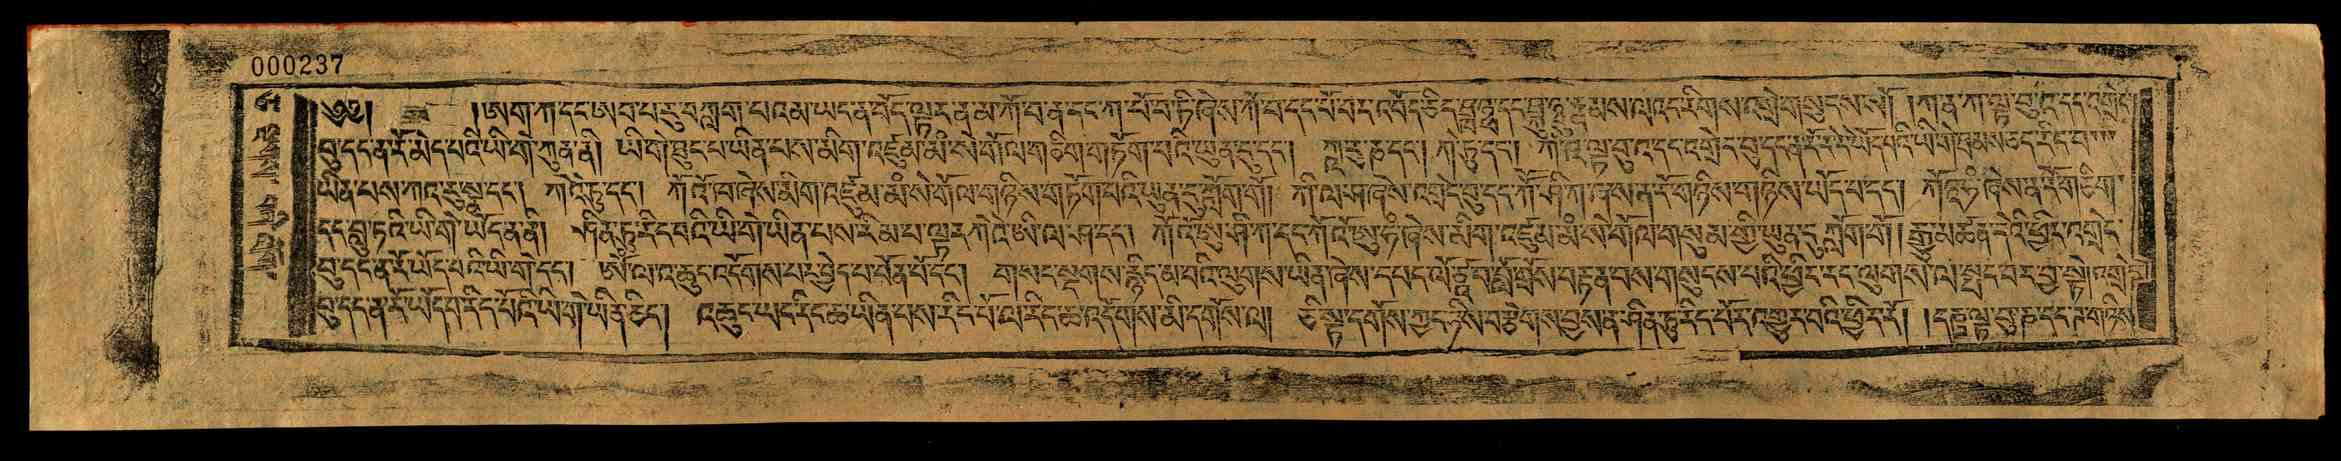༄༅། །ཨགཀ་དང་ཨབ་པ་རུ་བཀླག་པ་འམ་ཡང་ན་བོད་ལྟར་ན་མ་ཀོ་བ་ན་དང་ཀ་པོ་བཏི་ཞེས་ཀོ་བ་དང་པོ་བར་འབོད་ཅིང་ཐྑ་འཕ་དང་ཐྐུ་བུ་རྣམས་ལའང་རིགས་འགྲེ་གསུངས་སོ། །ཀ་ན་ཀ་ལ་བུ་འོ་དང་འགྲེང་
བུ་དང་ན་རོ་མེད་པའི་ཡི་གེ་ཀུན་ནི། ཡི་གེ་ཐུང་པ་ཡིན་པས་མིག་འཛུམ་མཾ་སེ་གོལ་གཅིག་གཏོག་པའི་ཡུན་དུ་དང་། ཀཱ་རུ་ཎ་དང་། ཀ་ཏུ་དང་། ཀ་ཥ་ལྟ་བུ་འ་དང་འགྲེང་བུ་དང་ན་རོ་རེར་ཡོད་བའི་ཡི་གེ་ཐམས་ཅད་རིང་བ་
ཡིན་པས་ཀའ་རུ་སྣ་དང་། ཀེའེ་ཏུ་དང་། ཀོའོ་ཁ་ཞེས་མིག་འཛུམ་མི་སེ་གོལ་གཉིས་གཏོག་པའི་ཡུན་དུ་ཀློག་གོ། ཀ་ལ་ཤ་ཞེས་འགྲེང་བུ་དང་ཀཽ་ཤིཀ་ཞེས་ན་རོ་གཉིས་གཉིས་ཡོད་པ་དང་། ཀོཉྷཾ་ཞེས་ན་རོ་གཅིག་
དང་པླུ་ཏའི་ཡི་གེ་ཡོད་ན་ནི། ཤིན་ཏུ་རིང་བའི་ཡི་གེ་ཡིན་པས་རིམ་པ་ལྟར་དེའེ་ཨི་ལ་ཤ་དང་། ཀོའོ་ཨུ་ཤི་ཀ་དང་ཀོའོ་ཨུཧཾ་ཞེས་མིག་འཛུམ་མཾ་ས་གོལ་གསུམ་གྱི་ཡུན་དུ་ཀློག་གོ །རྒྱུ་མཚན་དེའི་ཕྱིར་འགྲེང་
བུ་དང་ན་རོ་ཡོད་པའི་ཡི་གེ་དང་། ཨོ་ལ་འཆུང་འདོགས་པར་བྱེད་པ་བོན་པོ་དང་། གསང་སྔགས་རྙིང་མ་བའི་ལུགས་ཡིན་ཞེས་དཔང་ལོ་ཙཱ་བ་བློ་གྲོས་བརྟན་པས་གསུངས་པའི་ཕྱིར་རང་ལུགས་ལ་སྤང་བར་བྱ་སྟེ། འགྲེང་
བུ་དང་ན་རོ་ཡོད་པ་རིང་པོའི་ཡི་གེ་ཡིན་ཅིང་། འཆུང་ཡང་རིང་ཆ་ཡིན་པས་རིང་པོ་ལ་རིང་ཆ་འདོགས་མི་དགོས་ལ། ཅི་སྟ་དགོས་ཀྱང་ཉིས་བརྩེགས་བྱས་ན་ཤིན་ཏུ་རིང་པོར་འགྱུར་བའི་ཕྱིར་རོ། །དྞྜ་ལ་བུ་ཎ་དང་ཌ་གཉིས་